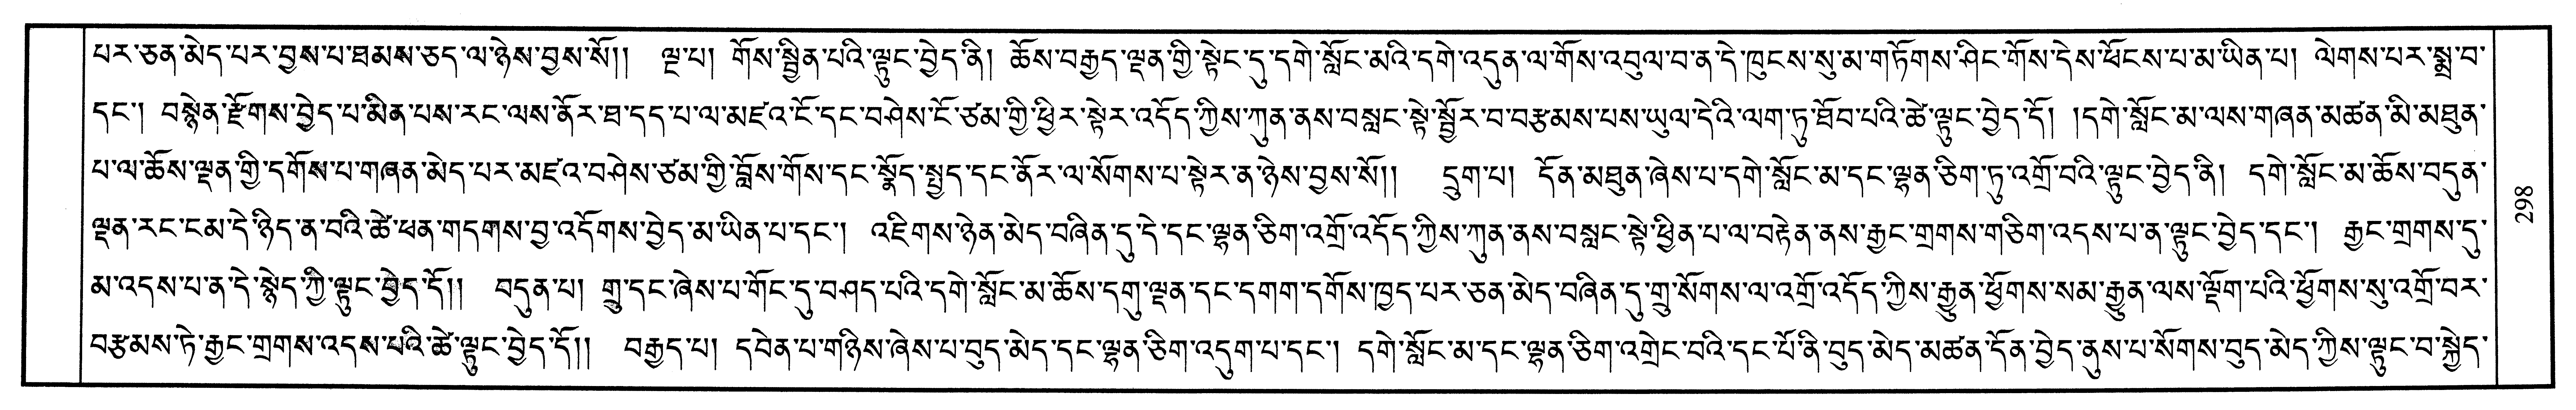པར་ཅན་མེད་པར་བྱས་པ་ཐམས་ཅད་ལ་ཉེས་བྱས་སོ།། ལྔ་པ། གོས་སྦྱིན་པའི་ལྟུང་བྱེད་ནི། ཆོས་བརྒྱད་ལྡན་གྱི་སྟེང་དུ་དགེ་སློང་མའི་དགེ་འདུན་ལ་གོས་འབུལ་བ་ན་དེ་ཁུངས་སུ་མ་གཏོགས་ཤིང་གོས་དེས་ཕོངས་པ་མ་ཡིན་པ། ལེགས་པར་སྨྲ་བ་
དང་། བསྙེན་རྫོགས་བྱེད་པ་མིན་པས་རང་ལས་ནོར་ཐ་དད་པ་ལ་མཛའ་ངོ་དང་བཤེས་ངོ་ཙམ་གྱི་ཕྱིར་སྟེར་འདོད་ཀྱིས་ཀུན་ནས་བསླང་སྟེ་སྦྱོར་བ་བརྩམས་པས་ཡུལ་དེའི་ལག་ཏུ་ཐོབ་པའི་ཚེ་ལྟུང་བྱེད་དོ། །དགེ་སློང་མ་ལས་གཞན་མཚན་མི་མཐུན་
པ་ལ་ཆོས་ལྡན་གྱི་དགོས་པ་གཞན་མེད་པར་མཛའ་བཤེས་ཙམ་གྱི་བློས་གོས་དང་སྣོད་སྤྱད་དང་ནོར་ལ་སོགས་པ་སྟེར་ན་ཉེས་བྱས་སོ།། དྲུག་པ། དོན་མཐུན་ཞེས་པ་དགེ་སློང་མ་དང་ལྷན་ཅིག་ཏུ་འགྲོ་བའི་ལྟུང་བྱེད་ནི། དགེ་སློང་མ་ཆོས་བདུན་
ལྡན་རང་ངམ་དེ་ཉིད་ན་བའི་ཚེ་ཕན་གདགས་བྱ་འདོགས་བྱེད་མ་ཡིན་པ་དང་། འཇིགས་ཉེན་མེད་བཞིན་དུ་དེ་དང་ལྷན་ཅིག་འགྲོ་འདོད་ཀྱིས་ཀུན་ནས་བསླང་སྟེ་ཕྱིན་པ་ལ་བརྟེན་ནས་རྒྱང་གྲགས་གཅིག་འདས་པ་ན་ལྟུང་བྱེད་དང་། རྒྱང་གྲགས་དུ་
མ་འདས་པ་ན་དེ་སྙེད་ཀྱི་ལྟུང་བྱེད་དོ།། བདུན་པ། གྲུ་དང་ཞེས་པ་གོང་དུ་བཤད་པའི་དགེ་སློང་མ་ཆོས་དགུ་ལྡན་དང་དགག་དགོས་ཁྱད་པར་ཅན་མེད་བཞིན་དུ་གྲུ་སོགས་ལ་འགྲོ་འདོད་ཀྱིས་རྒྱུན་ཕྱོགས་སམ་རྒྱུན་ལས་ལྡོག་པའི་ཕྱོགས་སུ་འགྲོ་བར་
བརྩམས་ཏེ་རྒྱང་གྲགས་འདས་པའི་ཚེ་ལྟུང་བྱེད་དོ།། བརྒྱད་པ། དབེན་པ་གཉིས་ཞེས་པ་བུད་མེད་དང་ལྷན་ཅིག་འདུག་པ་དང་། དགེ་སློང་མ་དང་ལྷན་ཅིག་འགྲེང་བའི་དང་པོ་ནི་བུད་མེད་མཚན་དོན་བྱེད་ནུས་པ་སོགས་བུད་མེད་ཀྱིས་ལྟུང་བ་སྐྱེད་